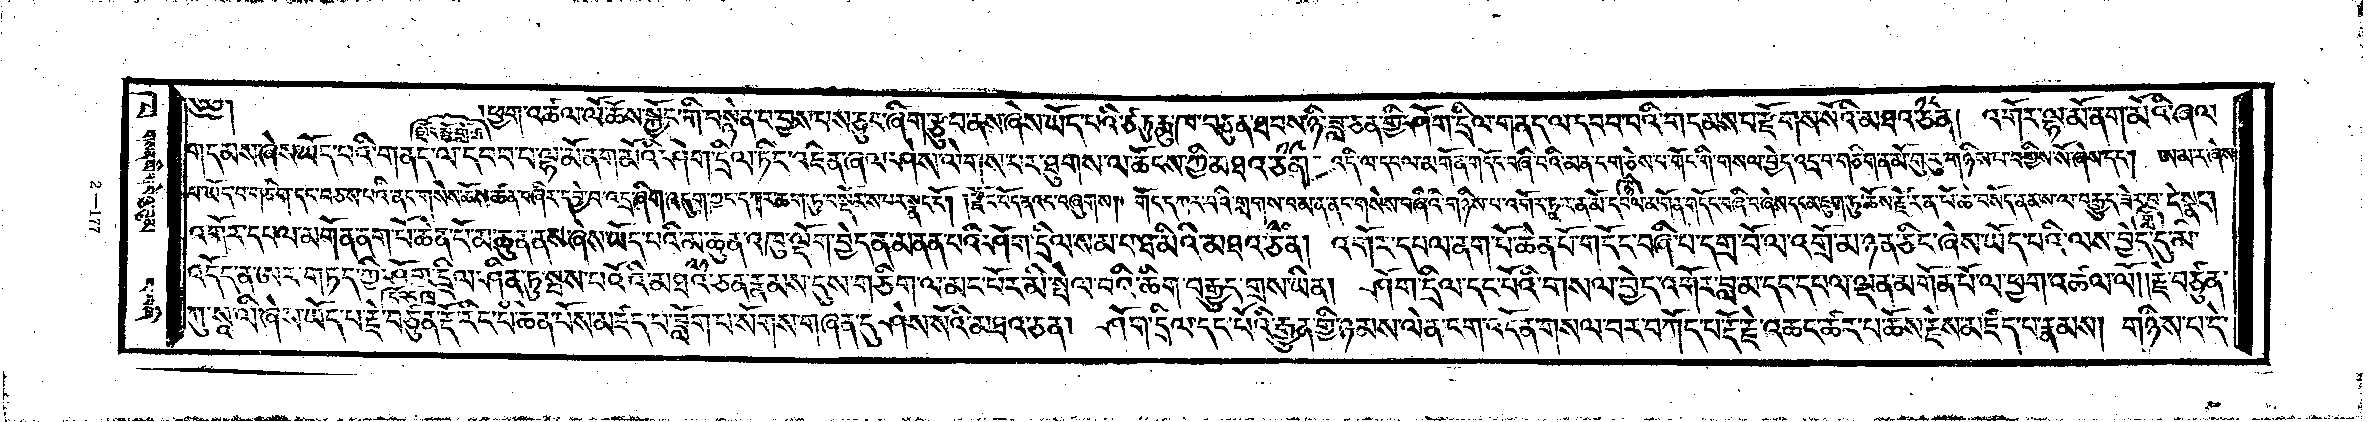༄༅། །ཕྱག་འཚལ་ལོ་ཆོས་སྐྱོང་གི་བསྙེན་པ་བྱས་པས་ཅུང་ཞིག་རྩུབ་ནས་ཞེས་ཡོད་པའི་ཙ་ཏུ་རྨུ་ཁ་བཅུན་ཐབས་ཉི་ཟླ་ཅན་གྱི་ཤོག་དྲིལ་གནད་ལ་དབབ་པའི་གདམས་པ་རྫོགས་སོའི་མཐའ་ཅན། འགོར་ལྷ་མོ་ནག་མོའི་ཞལ་
གདམས་ཞེས་ཡོད་པའི་གནད་ལ་དབབ་པ་ལྷ་མོ་ནག་མོའི་ཤོག་དྲིལ་ཏིང་འཛིན་ཞལ་ཤེས་ལེགས་པར་ཐུགས་ལ་ཆོངས་ཀྱི་མཐའ་ཅན། འདི་ལ་དང་ལ་མགོན་གདོང་བཞི་བའི་མན་ངག་ཅེས་པ་གོང་གི་གསལ་བྱེད་འདྲ་བ་གཅིག་ན་མོ་གུ་རུ་གཉིས་པ་བགྱིས་སོ་ཞེས་དང་། ཨ་མ་ར་ཞེས་
ལ་ཡོད་པ་གཅིག་དང་བཅས་པའི་ནང་གསེས་ཆོས་ཚན་བཞིར་དབྱེ་བ་འདྲ་ཞིག་འདུག་ཀྱང་དཀར་ཆག་ཏུ་བསྡོམས་པར་སྣང་ངོ། །རྫོང་པོད་ནའང་བཞུགས། གོང་དཀར་བའི་གླགས་བམ་ན་ནང་གསེས་བཞིའི་གཉིས་པ་འགོར་ཏཱ་རན་མོ་དཔལ་མགོན་གདོང་བཞི་བ་ཞེས་དང་མཇུག་ཏུ་ཆོས་རྗེ་རིན་པོ་ཆེ་བསོད་རྣམས་ལ་བརྒྱུད་ཟེར་བ་དེ་སྣང་།
འགོར་དཔལ་མགོན་ནག་པོ་ཆེན་པོ་མ་ཆུན་ནས་ཞེས་ཡོད་པའི་མ་ཆུན་འཁུ་ལྡོག་བྱེད་ན་མནན་པའི་ཤོག་དྲིལ་ས་མ་པ་ཐ་མིའི་མཐའ་ཅན། འགོར་དཔལ་ནག་པོ་ཆེན་པོ་གདོད་བཞི་པ་དགྲ་བོ་ལ་འགྲོ་མ་ཉན་ཅིང་ཞེས་ཡོད་པའི་ལས་བྱེད་དུ་མི་
འདོད་ན་ཨར་གཏད་ཀྱི་ཤོག་དྲིལ་ཤིན་ཏུ་སྤས་བའོའི་མཐའ་ཅན་རྣམས་དུས་གཅིག་ལ་མང་པོར་མི་སྤེལ་བའི་ཆིག་བརྒྱུད་གྲས་ཡིན། ཤོག་དྲིལ་དང་པོའི་གསལ་བྱེད་འགོར་བླ་མ་དང་དཔལ་ལྡན་མགོན་པོ་ལ་ཕྱག་འཚལ་ལོ། །རྗེ་བཙུན་
ཀུ་སཱ་ལི་ཞེས་ཡོད་པ་རྗེ་བཙུན་རྡོ་རིང་པཾ་ཆེན་པོས་མཛད་པ་ཟློག་པ་སོགས་གཞན་དུ་ཤེས་སོའི་མཐའ་ཅན། ཤོག་དྲིལ་དང་པོའི་རྒྱུན་གྱི་ཉམས་ལེན་ངག་འདོན་གསལ་བར་བཀོད་པ་རྡོ་རྗེ་འཆང་ཚར་པ་ཆོས་རྗེས་མཛད་པ་རྣམས། གཉིས་པ་དེ་